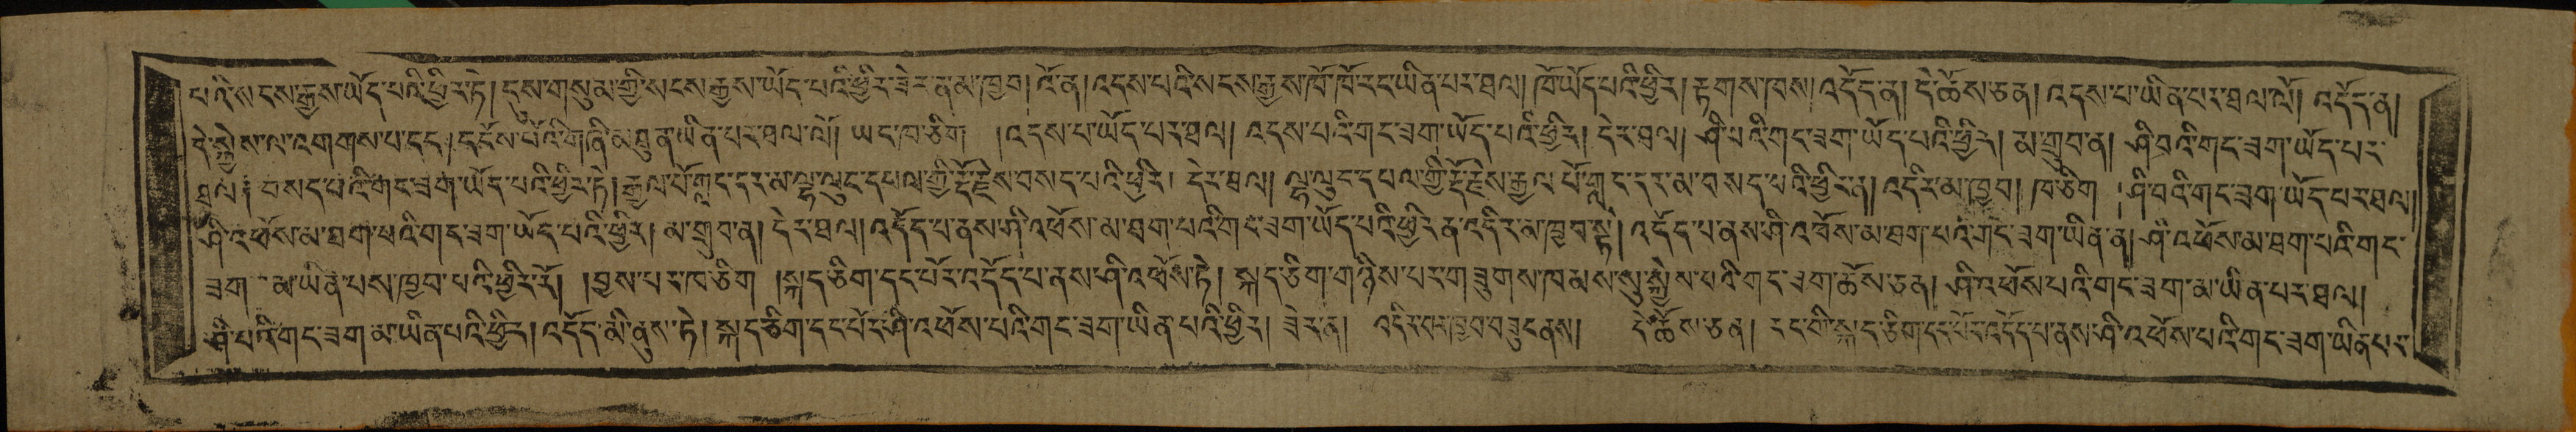་པའི་སངས་རྒྱས་ཡོད་པའི་ཕྱིར་ཏེ། དུས་གསུམ་གྱི་སངས་རྒྱས་ཡོད་པའི་ཕྱིར་ཟེར་ན་མ་ཁྱབ། འོ་ན། འདས་པའི་སངས་རྒྱས་ཁོ་ཁོ་རང་ཡིན་པར་ཐལ། ཁོ་ཡོད་པའི་ཕྱིར། རྟགས་ཁས། འདོད་ན། དེ་ཆོས་ཅན། འདས་པ་ཡིན་པར་ཐལ་ལོ། འདོད་ན།
དེ་སྐྱེས་ལ་འགགས་པ་དང་། དངོས་པོའི་གཞི་མཐུན་ཡིན་པར་ཐལ་ལོ། ཡང་ཁ་ཅིག །འདས་པ་ཡོད་པར་ཐལ། འདས་པའི་གང་ཟག་ཡོད་པའི་ཕྱིར། དེར་ཐལ། ཤི་པའི་གང་ཟག་ཡོད་པའི་ཕྱིར། མ་གྲུབ་ན། ཤི་བའི་གང་ཟག་ཡོད་པར་
ཐལ༑ བསད་པའི་གང་ཟག་ཡོད་པའི་ཕྱིར་ཏེ། རྒྱལ་པོ་གླང་དར་མ་ལྷ་ལུང་དཔལ་གྱི་རྡོ་རྗེས་བསད་པའི་ཕྱིར། དེར་ཐལ། ལྷ་ལུང་དཔལ་གྱི་རྡོ་རྗེས་རྒྱལ་པོ་གླང་དར་མ་བསད་པའི་ཕྱིར་ན། འདིར་མ་ཁྱབ། ཁ་ཅིག །ཤི་འཕོས་མ་ཐག་པའི་གང་
ཟག་མ་ཡིན་པས་ཁྱབ་པའི་ཕྱིར་རོ། །བྱས་པར་ཁ་ཅིག །སྐད་ཅིག་དང་པོར་འདོད་པ་ནས་ཤི་འཕོས་ཏེ། སྐད་ཅིག་གཉིས་པར་གཟུགས་ཁམས་སུ་སྐྱེས་པའི་གང་ཟག་ཆོས་ཅན། ཤི་འཕོས་པའི་གང་ཟག་མ་ཡིན་པར་ཐལ།
ཤི་པའི་གང་ཟག་མ་ཡིན་པའི་ཕྱིར། འདོད་མི་ནུས་ཏེ། སྐད་ཅིག་དང་པོར་ཤི་འཕོས་པའི་གང་ཟག་ཡིན་པའི་ཕྱིར། ཟེར་ན། འདིར་བར་ཁྱབ་བཟུང་ནས། དེ་ཆོས་ཅན། རང་གི་སྐད་ཅིག་དང་པོར་འདོད་པ་ནས་ཤི་འཕོས་པའི་གང་ཟག་ཡིན་པར་